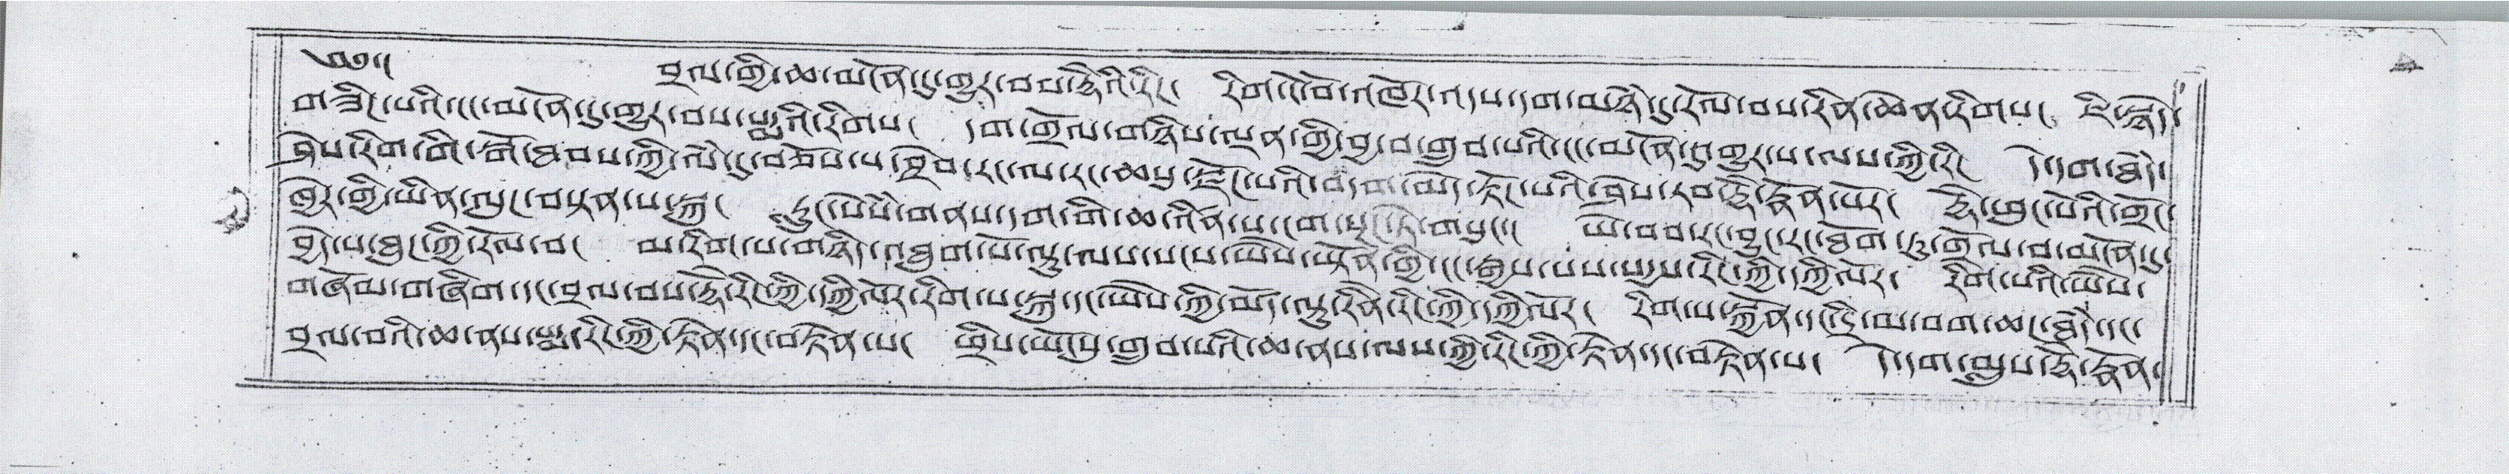བྲལ་གྱི་ཆ་མངོན་དུ་གྱུར་པས་རྡོ་རྗེའི་རིགས། རིག་ངོ་བོ་འཁོར་འདས་དག་མཉམ་དུ་རོལ་པས་རིན་ཆེན་རིགས། ཇི་སྙེད་
གཟིགས་པའི་ངང་མངོན་དུ་གྱུར་པས་པདྨའི་རིགས། དག་གྲོལ་གཉིས་ལྡན་གྱི་བྱ་བ་གྲུབ་པའི་ངང་མངོན་དུ་གྱུར་པས་ལས་ཀྱི་རིགས། དེ་དག་ཐམས་ཅད་
ཤེས་རིག་གི་སྒོ་ཐབས་ཀྱི་ལམ་དུ་བཅོས་པ་ཤེས་རབ་རང་ལ་རང་ཆས་སུ་རྫོགས་པའི་བདག་མེད་རྟོགས་པའི་ཤེས་རབ་རྡོ་རྗེ་རྣོན་པོར། རྡོ་རྗེ་ཕུང་པོའི་གྲོང་
ཁྱེར་གྱི་ཡིན་ལུགས་བསྟན་པ་སྐུ། རླུང་སེམས་གནས་དག་གི་ཆ་འཛིན་པ་ངག་སྔགས་ཏེ་གསུང་། ཡེ་བབ་རང་བྱུང་རང་ཐོག་ཏུ་གྲོལ་བ་མངོན་དུ་
བྱེད་པ་ཐུགས་ཀྱི་རོལ་པ། མ་རིག་པ་གཉིད་མཐུག་པོ་ལྟ་བུ་ལས་སངས། ཡེ་ཤེས་ཡོན་ཏན་གྱི་ངང་རྒྱས་པས་སངས་རྒྱས་རིགས་ཀྱི་དཀྱིལ་འཁོར། རིག་པའི་ཡེ་ཤེས་
གཞོམ་གཞིག་དང་བྲལ་བས་རྡོ་རྗེ་རིགས་ཀྱི་དཀྱིལ་འཁོར། རིག་པ་སྐུ་དང་ཡེ་ཤེས་ཀྱི་མཛོད་ལྟ་བུ་རིན་ཆེན་རིགས་ཀྱི་དཀྱིལ་འཁོར། རིག་པ་སྐྱོན་དང་དྲི་མ་བག་ཆགས་ཐམས་ཅད་དང་
བྲལ་བའི་ཆ་ནས་པདྨ་རིགས་ཀྱི་རྟེན་དང་བརྟེན་པ། ཕྲིན་ལས་ཡོངས་སུ་གྲུབ་པའི་ཆ་ནས་ལས་ཀྱི་རིགས་ཀྱི་རྟེན་དང་བརྟེན་པ། དེ་དག་མ་ལུས་རྡོ་རྗེ་རྣོན་